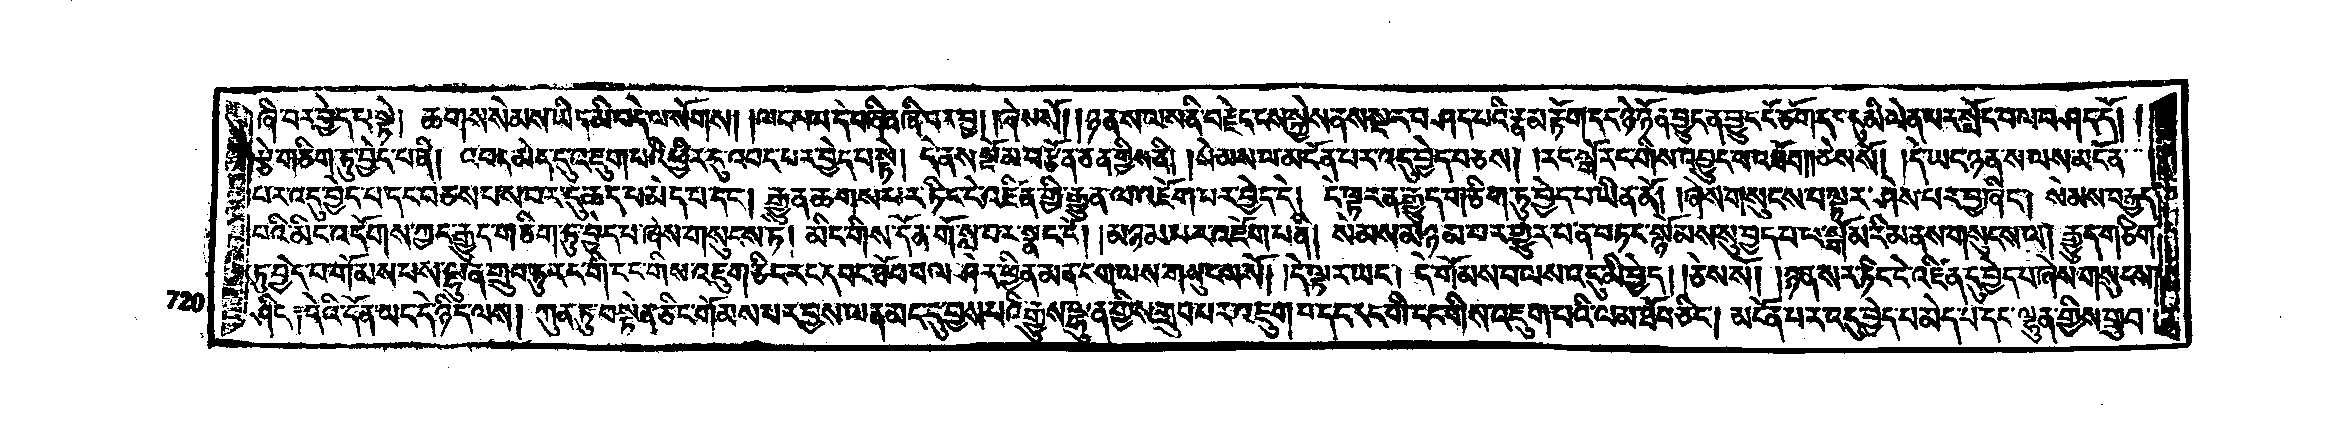ཞི་བར་བྱེད་པ་སྟེ། ཆགས་སེམས་ཡིད་མི་བདེ་ལ་སོགས། །ལངས་པ་དེ་བཞིན་ཞི་བར་བྱ། །ཞེས་སོ། །ཉན་ས་ལས་ནི་བརྗེད་ངས་སྐྱེས་ནས་སྔར་བཤད་པའི་རྣམ་རྟོག་དང་ཉེ་ཉོན་བྱུང་ན་བྱུང་ངོ་ཅོག་དང་དུ་མི་ལེན་པར་སྤོང་བ་ལ་བཤད་དོ། །
རྩེ་གཅིག་ཏུ་བྱེད་པ་ནི། འབད་མེད་དུ་འཇུག་པའི་ཕྱིར་དུ་འབད་པར་བྱེད་པ་སྟེ། དེ་ནས་སྡོམ་བརྩོན་ཅན་གྱིས་ནི། །སེམས་ལ་མངོན་པར་འདུ་བྱེད་བཅས། །རང་གི་ངང་གིས་འབྱུང་བ་འཐོབ། །ཅེས་སོ། །དེ་ཡང་ཉན་ས་ལས་མངོན་
པར་འདུ་བྱེད་པ་དང་བཅས་པས་བར་དུ་ཆད་པ་མེད་པ་དང་། རྒྱུན་ཆགས་པར་ཏིང་ངེ་འཛིན་གྱི་རྒྱུན་ལ་འཇོག་པར་བྱེད་དེ། དེ་ལྟར་ན་རྒྱུད་གཅིག་ཏུ་བྱེད་པ་ཡིན་ནོ། །ཞེས་གསུངས་པ་ལྟར་ཤེས་པར་བྱ་ཞིང་། སེམས་བརྒྱད་
པའི་མིང་འདོགས་ཀྱང་རྒྱུད་གཅིག་ཏུ་བྱེད་པ་ཞེས་གསུངས་ཏེ། མིང་གིས་དོན་གོ་སླ་བར་སྣང་ངོ། །མཉམ་པར་འཇོག་པ་ནི། སེམས་མཉམ་པར་གྱུར་པ་ན་བཏང་སྙོམས་སུ་བྱེད་པ་ལ་སྒོམ་རིམ་ནས་གསུངས་ལ། རྒྱུད་གཅིག་
ཏུ་བྱེད་པ་གོམས་པས་ལྷུན་གྲུབ་ཏུ་རང་གི་ངང་གིས་འཇུག་ཅིང་རང་དབང་ཐོབ་པ་ལ་ཤེར་ཕྱིན་མན་ངག་ལས་གསུངས་སོ། །དེ་ལྟར་ཡང་། དེ་གོམས་པ་ལས་འདུ་མི་བྱེད། །ཅེས་སོ། །ཉན་སར་ཏིང་ངེ་འཛིན་དུ་བྱེད་པ་ཞེས་གསུངས་
ཤིང༑ དེའི་དོན་ཡང་དེ་ཉིད་ལས། ཀུན་ཏུ་བསྟེན་ཅིང་གོམས་པར་བྱས་ལན་མང་དུ་བྱས་པའི་རྒྱུས་ལྷུན་གྱིས་གྲུབ་པར་འཇུག་པ་དང་རང་གི་ངང་གིས་འཇུག་པའི་ལམ་ཐོབ་ཅིང་། མངོན་པར་འདུ་བྱེད་པ་མེད་པ་དང་ལྷུན་གྱིས་གྲུབ་